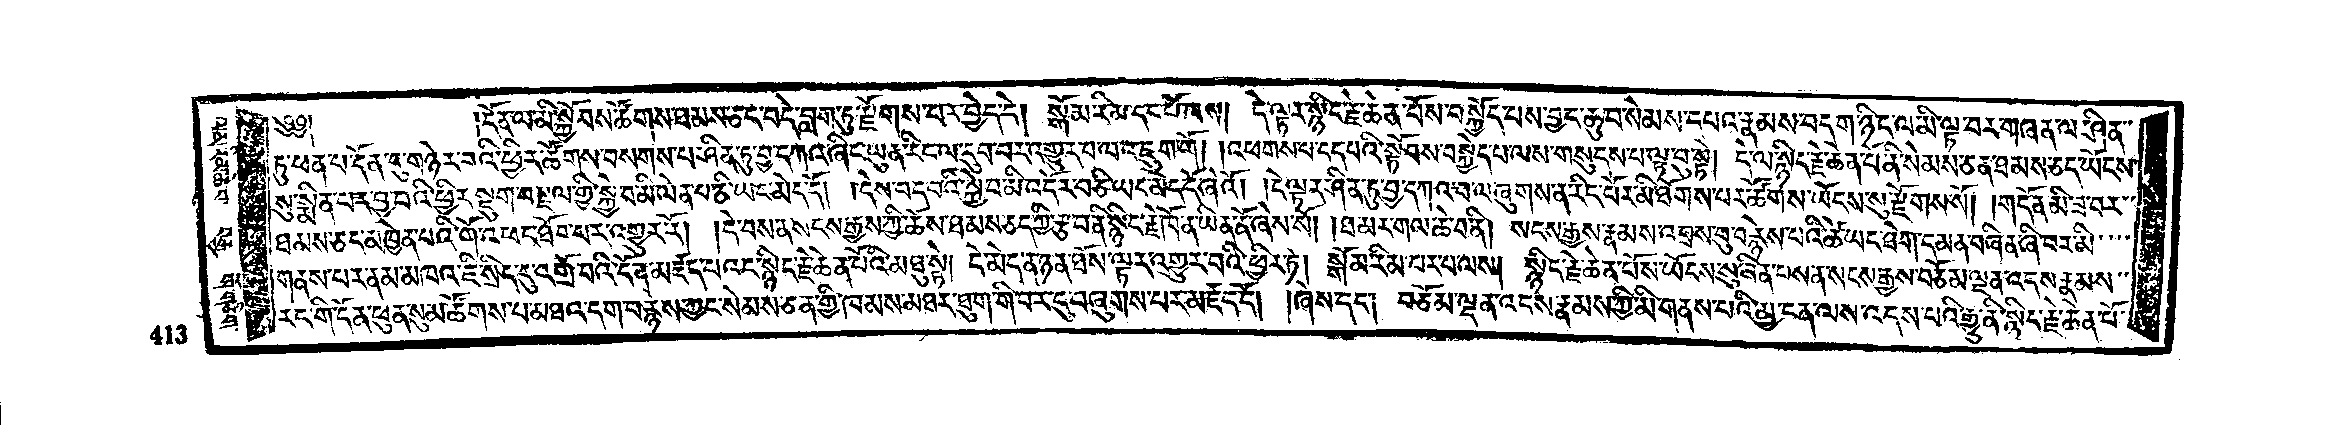༄༅། །དོན་ལ་མི་སྐྱོ་བས་ཚོགས་ཐམས་ཅད་བདེ་བླག་ཏུ་རྫོགས་པར་བྱེད་དེ། སྒོམ་རིམ་དང་པོ་ལས། དེ་ལྟར་སྙིང་རྗེ་ཆེན་པོས་བསྐྱོད་པས་བྱང་ཆུབ་སེམས་དཔའ་རྣམས་བདག་ཉིད་ལ་མི་ལྟ་བར་གཞན་ལ་ཤིན་
ཏུ་ཕན་པ་དོན་དུ་གཉེར་བའི་ཕྱིར་ཚོགས་བསགས་པ་ཤིན་ཏུ་བྱ་དཀའ་ཞིང་ཡུན་རིང་ལ་དུབ་པར་འགྱུར་བ་ལ་འཇུག་གོ། །འཕགས་པ་དད་པའི་སྟོབས་བསྐྱེད་པ་ལས་གསུངས་པ་ལྟ་བུ་སྟེ། དེ་ལ་སྙིང་རྗེ་ཆེན་པོ་ནི་སེམས་ཅན་ཐམས་ཅད་ཡོངས་
སུ་སྨིན་པར་བྱ་བའི་ཕྱིར་སྡུག་བསྔལ་གྱི་སྐྱེ་བ་མི་ལེན་པ་ཅི་ཡང་མེད་དོ། །དེས་བདེ་བའི་སྐྱེ་བ་མི་འདོར་བ་ཅི་ཡང་མེད་དོ་ཞེའོ། །དེ་ལྟར་ཤིན་ཏུ་བྱ་དཀའ་བ་ལ་ཞུགས་ན་རིང་པོར་མི་ཐོགས་པར་ཚོགས་ཡོངས་སུ་རྫོགས་སོ། །གདོན་མི་ཟ་བར་
ཐམས་ཅད་མཁྱེན་པའི་གོ་འཕང་ཐོབ་པར་འགྱུར་རོ། །དེ་བས་ན་སངས་རྒྱས་ཀྱི་ཆོས་ཐམས་ཅད་ཀྱི་རྩ་བ་ནི་སྙིང་རྗེ་ཁོ་ན་ཡིན་ནོ་ཞེས་སོ། །ཐ་མར་གལ་ཆེ་བ་ནི། སངས་རྒྱས་རྣམས་འབྲས་བུ་བརྙེས་པའི་ཚེ་ཡང་ཐེག་དམན་བཞིན་ཞི་བར་མི་
གནས་པར་ནམ་མཁའ་ཇི་སྲིད་དུ་འགྲོ་བའི་དོན་མཛད་པའང་སྙིང་རྗེ་ཆེན་པོའི་མཐུ་སྟེ། དེ་མེད་ན་ཉན་ཐོས་ལྟར་འགྱུར་བའི་ཕྱིར་ཏེ། སྒོམ་རིམ་པར་པ་ལས། སྙིང་རྗེ་ཆེན་པོས་ཡོངས་སུ་ཟིན་པས་ན་སངས་རྒྱས་བཅོམ་ལྡན་འདས་རྣམས་
རང་གི་དོན་ཕུན་སུམ་ཚོགས་པ་མཐའ་དག་བརྙེས་ཀྱང་སེམས་ཅན་གྱི་ཁམས་མཐར་ཐུག་གི་བར་དུ་བཞུགས་པར་མཛད་དོ། །ཞེས་དང་། བཅོམ་ལྡན་འདས་རྣམས་ཀྱི་མི་གནས་པའི་མྱ་ངན་ལས་འདས་བའི་རྒྱུ་ནི་སྙིང་རྗེ་ཆེན་པོ་